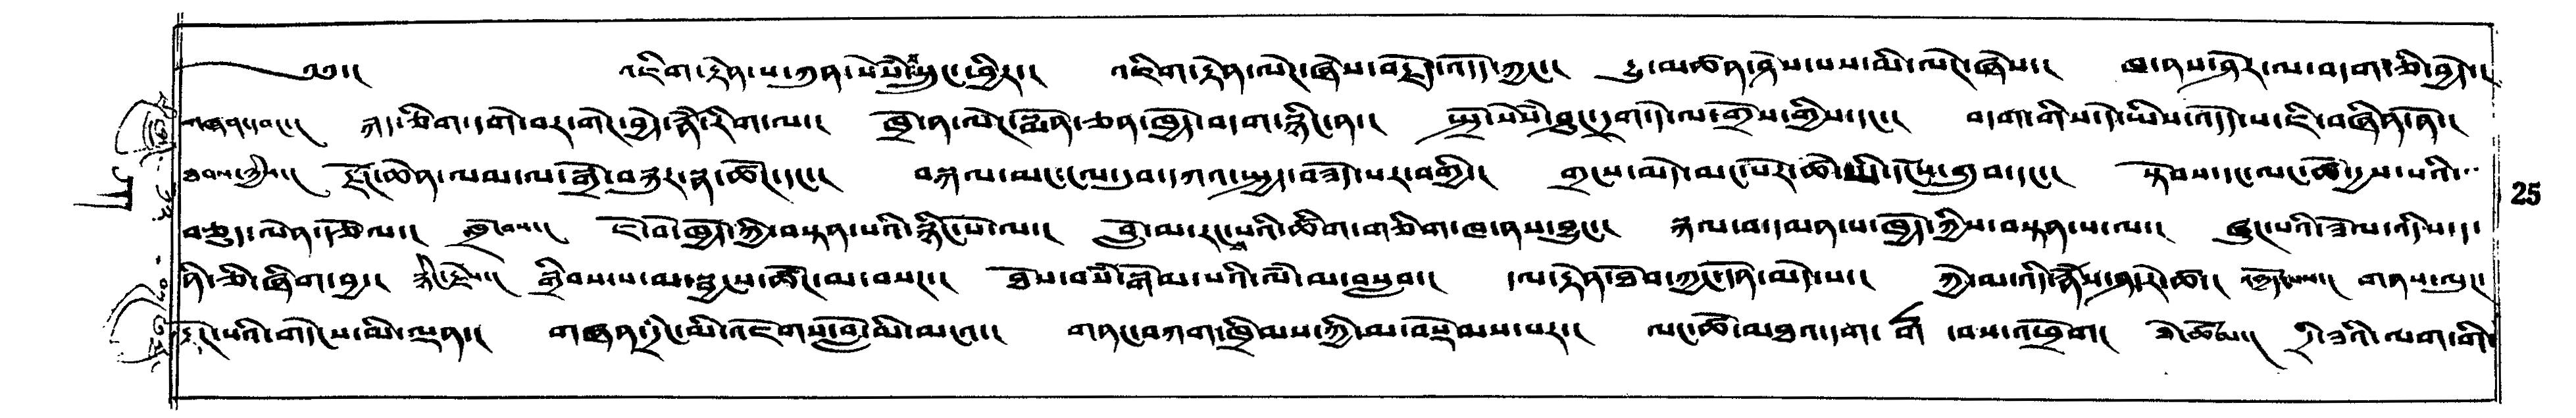འཇིག་རྟེན་པ་ཀུན་སེམས་བསྲུང་ཕྱིར། །འཇིག་རྟེན་ལེགས་ཞེས་བརྗོད་འདོད་ཀྱང་། །རྒྱུ་མཚན་ཤེས་པས་མི་ལེགས་ཞེས། །ཁ་ནས་ཤོར་ལ་བདག་ཅི་བྱེད། ། 
གཞན་དབང་། སྐད་ཅིག་དགེ་བར་གེགས་བྱེད་རྣམ་རིག་ལ། །ཁྲོ་ན་ལེགས་སྨོན་ཅན་ཁྱོད་བདག་སྙིང་ན། །སྤྲོ་སེམས་ཤུགས་དྲག་དེ་ལ་གྲོས་གྱིས་དང་། །བདག་གིས་དེ་ཡིས་འདོད་པ་ཇི་བཞིན་ནོ། ། 
ཐབས་ཀྱིས། རྫོགས་ཆེན་ལམ་ལ་སྒྲོ་སྐུར་སྣ་ཚོགས་དང་། །བསྐལ་མང་ངལ་དུབ་དཀའ་སྤྱད་བཟོད་པར་བགྱི། །གྲངས་མེད་མང་པོར་ཚེ་ཡི་དངོས་གྲུབ་དང་། །སྟོབས་དང་ལང་ཚོ་རྒྱས་པའི་
བཅུད་ལེན་རྩོལ། ། ཁྲོ་བས། ཇོ་བོ་ཁྱོད་ཀྱི་བསྟན་པའི་སྙིང་པོ་ལ། །བློ་མ་རངས་པའི་ཚིག་གཅིག་ཁ་ནས་བྱུང་། །སྐལ་བ་དམན་པ་ཁྱོད་ཀྱིས་བསྟན་པ་ལ། །ཞུགས་པའི་ཟོལ་འདིས་ད་
ནི་ཅི་ཞིག་བྱ། ། སྙིང་རྗེས། སྒྲིབ་པ་མ་སྦྱངས་ཚོགས་མ་བསགས། །ཐོས་བསམ་སྒོམ་པའི་ལམ་མ་བསླབ། །དལ་རྟེན་ཐོབ་ཀྱང་དོན་མེད་པ། །ཀྱེ་མ་འདི་རྣམས་ཤ་རེ་ཚ། ། འགྱོད་པས། གནས་ལུགས་
རྟོགས་པའི་གདེངས་མི་ལྡན། །གཞན་དྲིང་མི་འཇོག་བློ་མི་མངའ། །གནང་བཀག་ཁྲིམས་ཀྱི་མ་བསྡམས་པར། །ལང་ཚོ་མཐའ་དག་རྒ་བས་འཕྲོག ། ཐེ་ཚོམ། དྲི་ཟའི་ལག་གི་